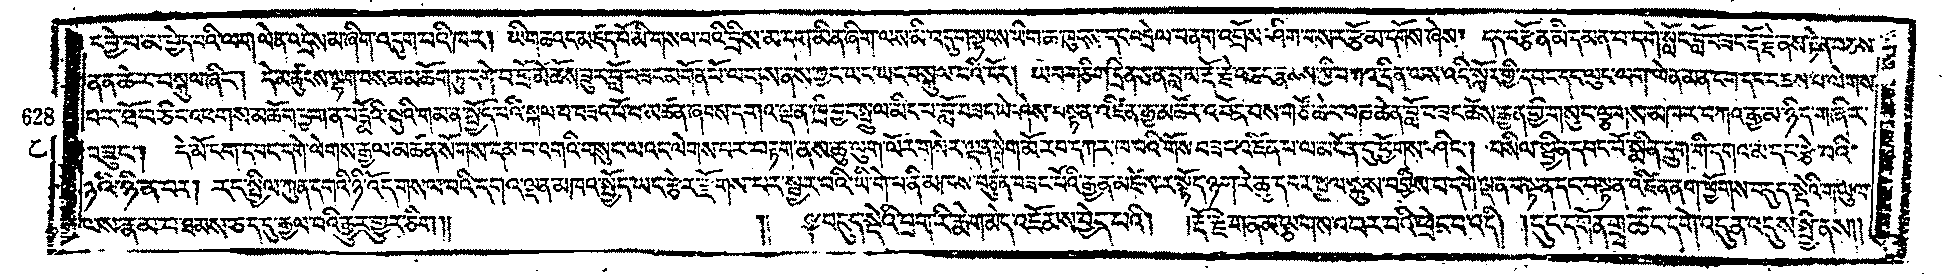དབྱེ་བ་མ་ཕྱེད་པའི་ལག་ལེན་འདྲེས་མ་ཞིག་འདུག་པའི་ཁར། ཡིག་ཆའང་མཛད་པོ་མི་གསལ་བའི་བྲིས་མ་དག་མིན་ཞིག་ལས་མི་འདུག་སྟབས་ཡིག་ཆ་ཁུངས་དང་འབྲེལ་བ་ནག་འགྲོས་ཤིག་གསར་རྩོམ་དགོས་ཞེས། དད་བརྩོན་མི་དམན་པ་དགེ་སློང་བློ་བཟང་རྡོ་རྗེ་ནས་རྟེན་བཅས་
ནན་ཆེར་བསྐུལ་ཞིང་། དེ་མཚུངས་ལྷག་བསམ་མཆོག་ཏུ་དགེ་བ་གྲོ་མོ་ཆོས་ཟུར་བློ་བཟང་མགོན་པོ་ལགས་ནས་ཀྱང་ཡང་ཡང་བསྐུལ་བའི་ངོར། ཡབ་གཅིག་དྲིན་ཅན་བླ་མ་རྡོ་རྗེ་འཆང་རྣམས་ཀྱི་བཀའ་དྲིན་ལས་འདི་སྐོར་གྱི་དབང་དང་ལུང་ལག་ལེན་མན་ངག་དང་བཅས་པ་ལེགས་
པར་ཐོབ་ཅིང་འཕགས་མཆོག་ཕྱག་ན་པདམོའི་སྐུའི་གམ་ན་སྤྱོད་པའི་སྐལ་བ་བཟང་པོ་པ་མཚན་ཞབས་དགའ་ལྡན་ཁྲི་བྱང་སྤྲུལ་མིང་པ་བློ་བཟང་ཡེ་ཤེས་བསྟན་འཛིན་རྒྱ་མཚོར་འབོད་པས་གཙོ་ཆེར་པཎ་ཆེན་བློ་བཟང་ཆོས་རྒྱན་གྱི་གསུང་ལྕགས་མཁར་བཀའ་རྒྱ་མ་ཉིད་གཞིར་
བཟུང་། དེ་མོ་ངག་དབང་དགེ་ལེགས་རྒྱལ་མཚན་སོགས་དམ་པ་འགའི་གསུང་ལའང་ལེགས་པར་བརྟག་ནས་ཆུ་ལུག་ལོར་གསེར་ལྡན་སྒེག་མོ་རབ་དཀར་ཁ་བའི་གོས་བཟང་འཛིན་པ་ལ་མངོན་དུ་ཕྱོགས་ཤིང་། བསིལ་སྦྱིན་དབང་པོ་སྨིན་དྲུག་གི་དགའ་མ་དང་རྩེ་བའི་
ཉའི་ཉིན་པར། རང་སྤྱི་ཀུན་དགའ་ཉི་འོད་གསལ་བའི་དགའ་ལྡན་མཁའ་སྤྱོད་ཡང་རྩེར་རྫོགས་པར་སྦྱར་བའི་ཡི་གེ་པ་ནི་མཁས་བཙུན་བཟང་པོའི་རྒྱན་མཛེས་ར་སྟོད་ཉག་རེ་ཆུ་དབར་སྤྱལ་སྐུས་བགྱིས་པ་དགེ་ལྡན་བསྟན་དང་བསྟན་འཛིན་ནག་ཕྱོགས་བདུད་སྡེའི་གཡུལ་
ལས་རྣམ་པ་ཐམས་ཅད་དུ་རྒྱལ་བའི་རྒྱུར་གྱུར་ཅིག།། །། འ་བདུད་སྡེའི་བྲག་རི་རྨེག་མེད་འཇོམས་བྱེད་པའི། །རྡོ་རྗེ་གནམ་ལྕགས་འབར་བའི་ཕྲེང་བ་འདི། །དུང་དགོན་གྲྭ་ཚང་དགེ་འདུན་འདུས་སྤྱི་ནས།།